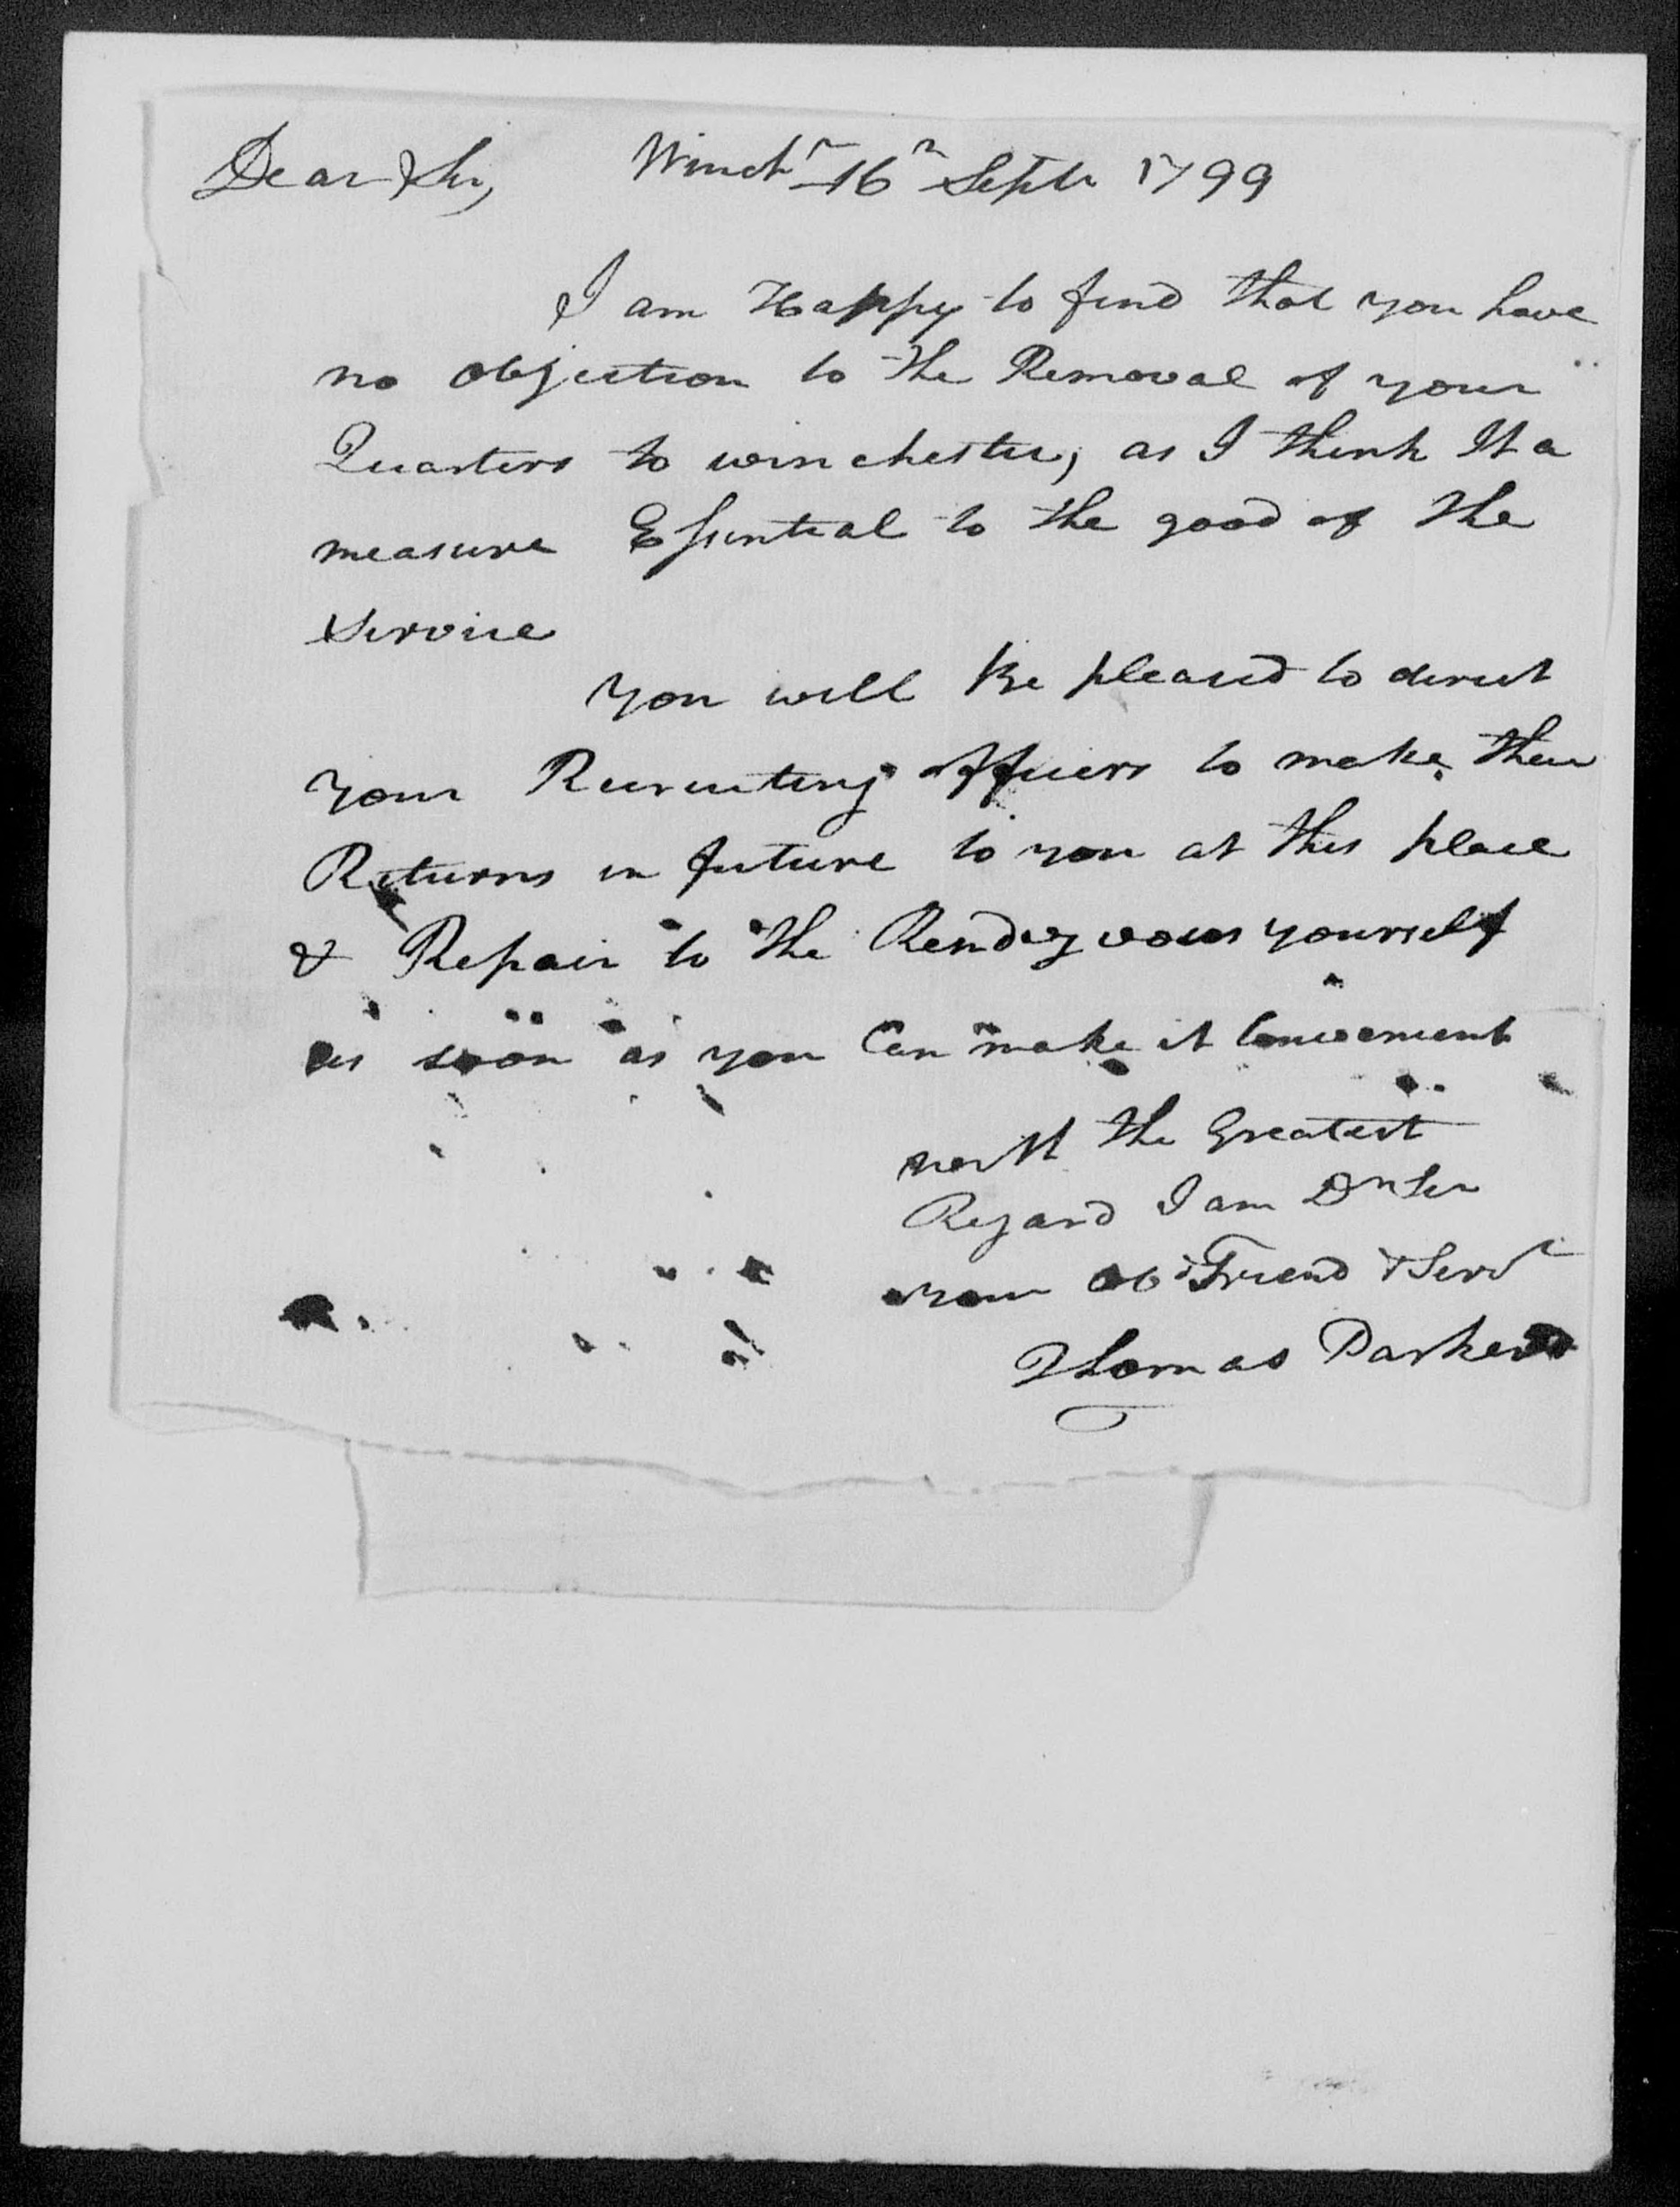Winchr_ 16h Septr 1799
Dear Sir,

I am Happy to find that you have no objection to the Removal of your Quarters to Winchester, as I think It a measure Essential to the good of the Service.
You will be pleased to direct your Recruiting officers to make their Returns in future to you at this place + [and] Repair to the Rendezvous yourself as soon as you can make it Convenient
with the Greatest 
Regard I am Dr Sir
your Obt Friend + [and] Servt
Thomas Parker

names: Thomas Parker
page: 92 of 267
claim: widow's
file: W. 4,149, William Campbell, Va.